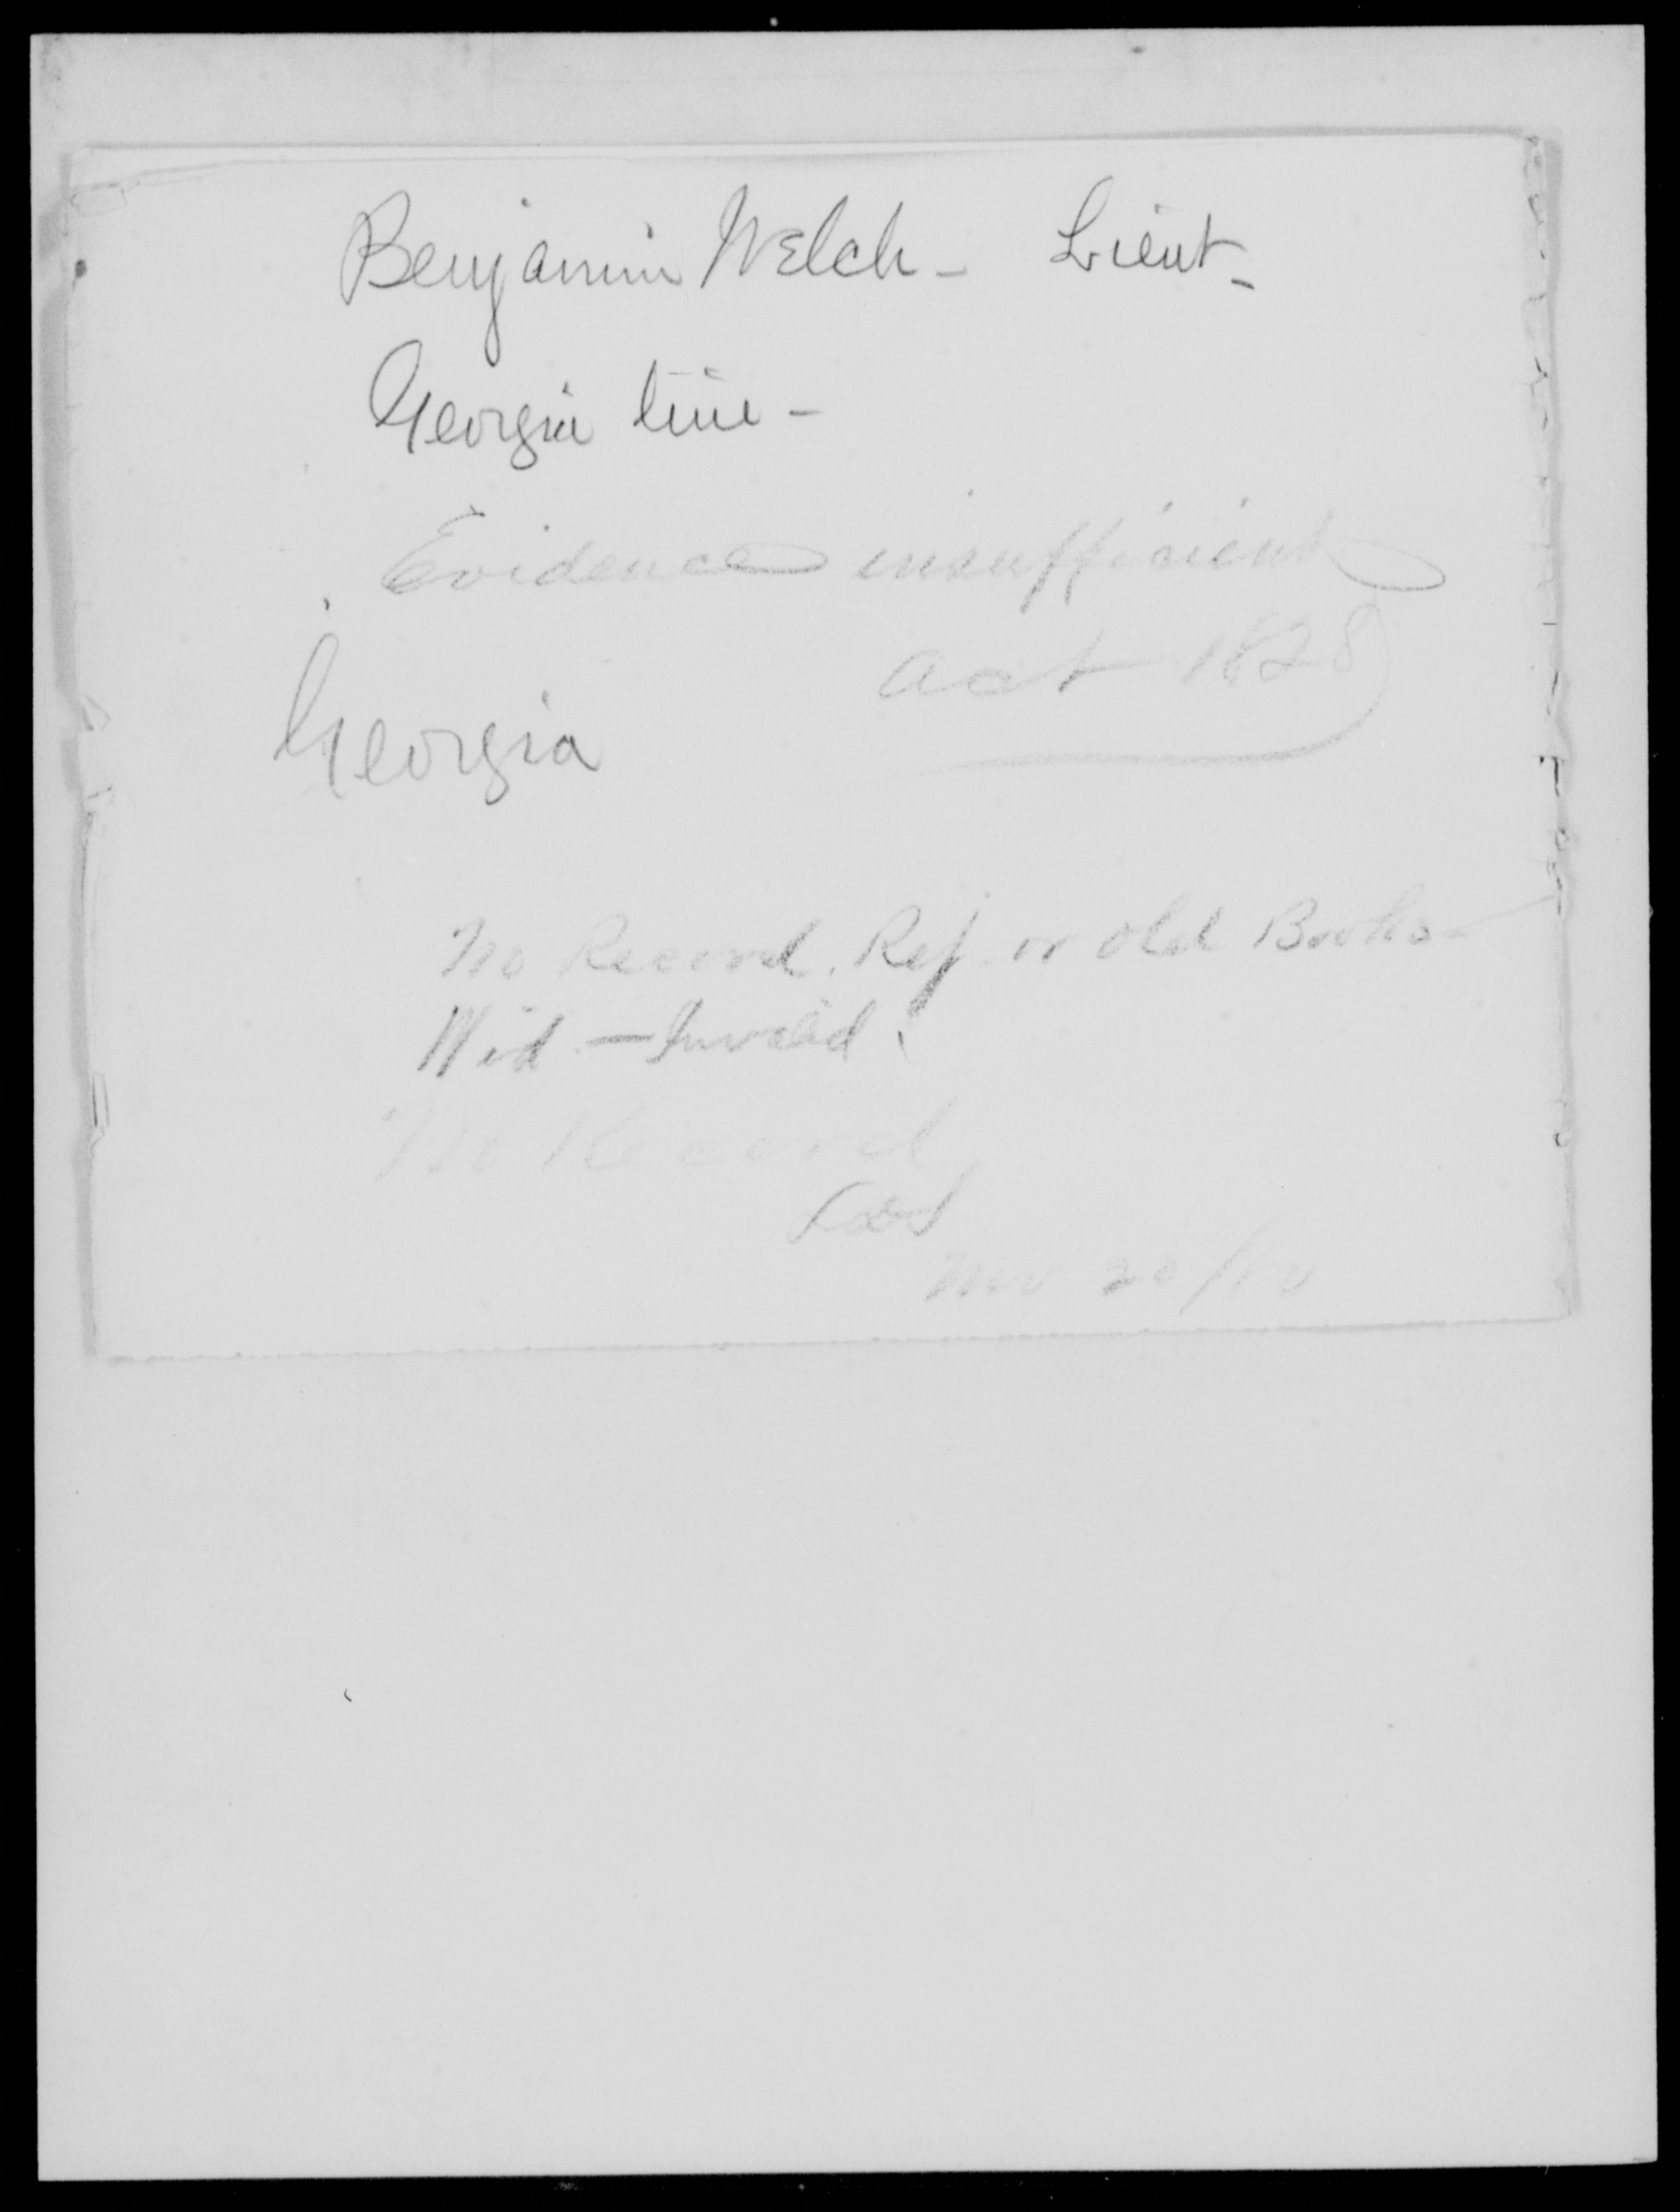Benjamin Welch - Lieut.
Georgia line-
Evidence insufficient Act 1828
Georgia
No Record. Ref or old Books
[Wid] - Invalid.
No Record
[LDS]
[Nov 20 /30]

-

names: Benjamin Welch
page: 19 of 23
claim: rejected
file: R. 20,446, Benjamin Welch, Ga.